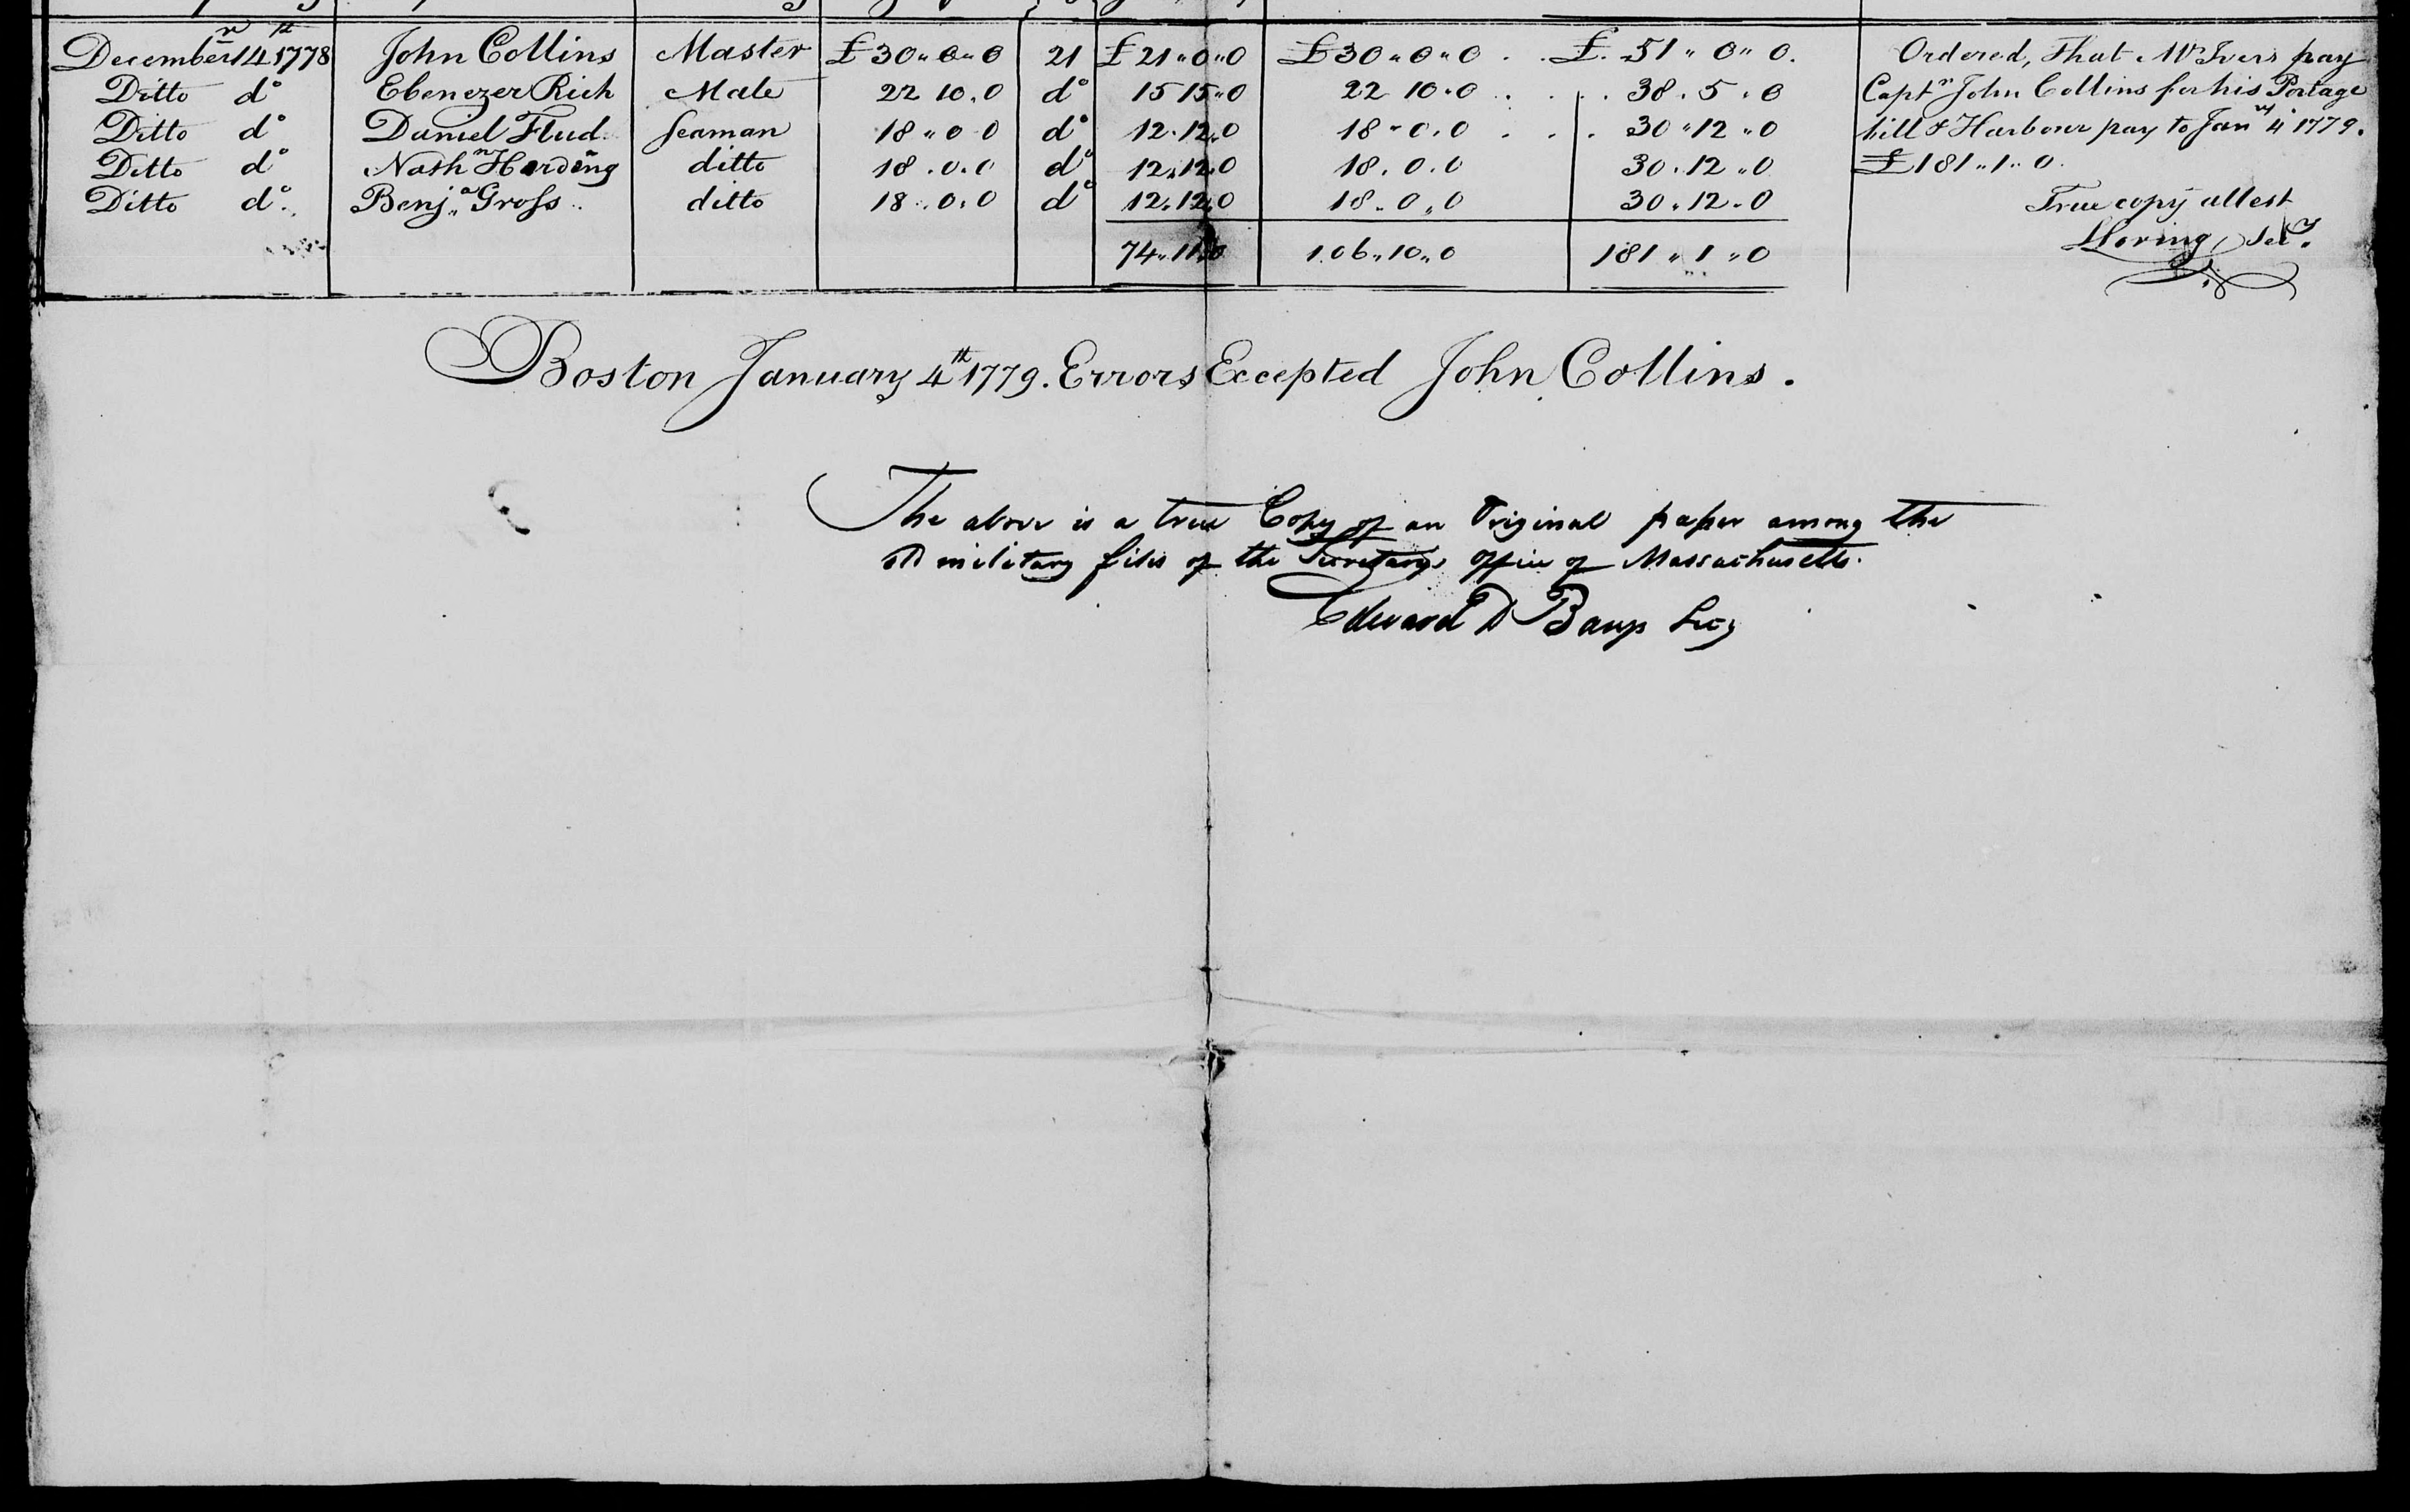[table, 8 columns, headings are missing]
[row 1] December 12 1778 | John Collins | Master | £30"0"0 | 21 | £12"0"0" | £30"0"0 | £51"0"0 
[row 2] Ditto d'o | Ebenezer Rich | Mate | 22 10 0 | do | 15 15 0 | 22 10 0 | 38. 5. 0
[row 3] Ditto d'o | Daniel Hurd | Seaman | 18"0"0 | do | 12 12 0 | 18 0 0  | 30. 12. 0
[row 4] Ditto d'o | Nathl Harding | ditto | 18" 0 0 | do | 12 12 0 | 18 0 0  | 30. 12. 0
[row 5] Ditto d'o | Benj'n Gross | ditto | 18" 0 0 |  do | 12 12 0 | 18 0 0  | 30. 12. 0
======
[row 6] [blank] | [blank] | [blank] | [blank] | [blank] | 74 .11 | 106.10.0 | 181 . 1 . 0

Ordered that Mr. Ivers pay Capt John Collins for his Postage bill & Harbour pay to Jan 4 1779 £181.0.0
True copy attest Loring Secy

Boston January 4th 1770.  Errors Excepted John Collins. 

The above is a true Copy of an original paper among the the military of the Secretary office of Massachusetts 

Edward D Bangs Esq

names: John Collins, L Loring, Edward D Bangs, Ivers, Benja Gross, John Collins, John Collins, Nath Harding, Daniel Flud, Harbour, Ebenezer Rich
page: 23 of 43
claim: survivor's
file: S. 29,732, John Collins, Mass. Navy